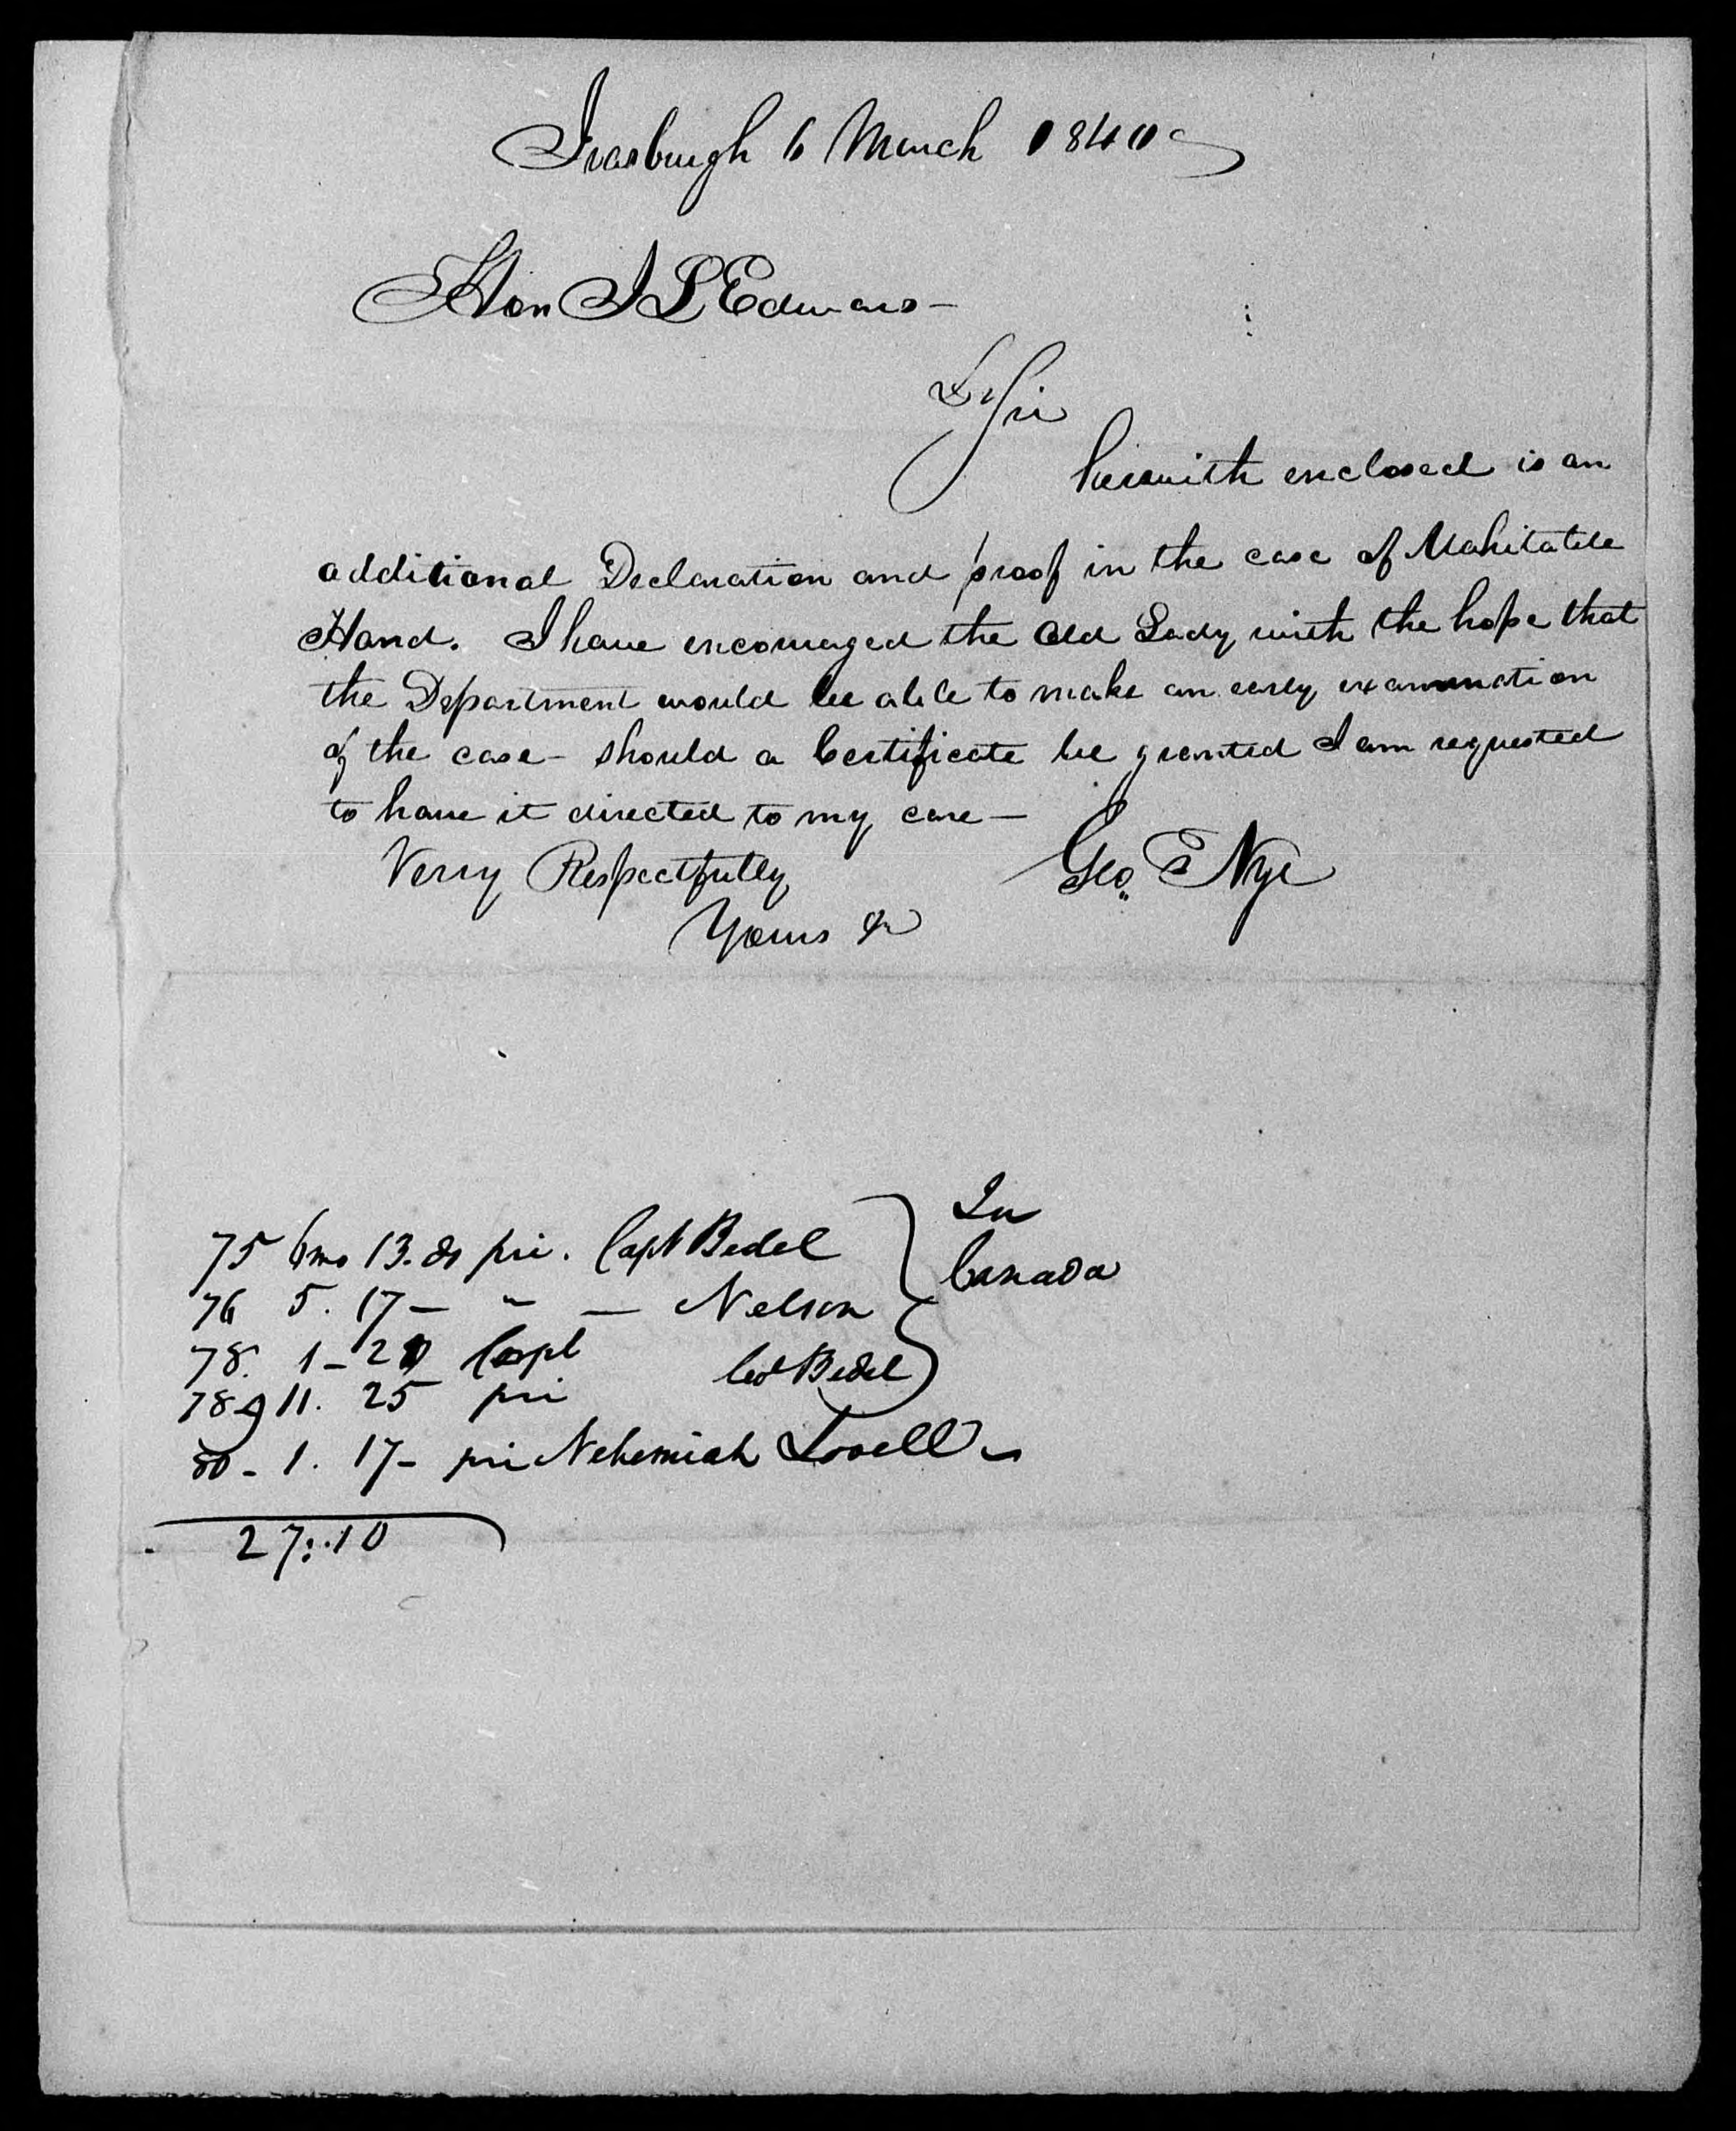Irasburgh 6 March 1840
Hon J L Edward
Life
herewith enclosed is an
additional Declaration and proof in the case of Mehitable
Hand. I have encouraged the old Lady with the hope that the
Department would be able to make an early examination
of the case should a certificate be granted I am requested
to have it directed to my care
Verry Respectfully
Yours 
Geo. Nye
75 6 mth 13 dys priv. Capt. Bedel
76 5.17
78. 1-29 Capt.
189111.25
pre
80- 1
Cot Bedel
17 - pri Nehemiah Lovell
In
27:
Nelson Canada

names: Mahitable Hand, Nehemiah Lorell, Bedel, Geo E Nye, Bedel, Nelson, J L Edward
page: 28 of 42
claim: widow's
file: W. 19,722, Ira Hand, N.H. Vt.